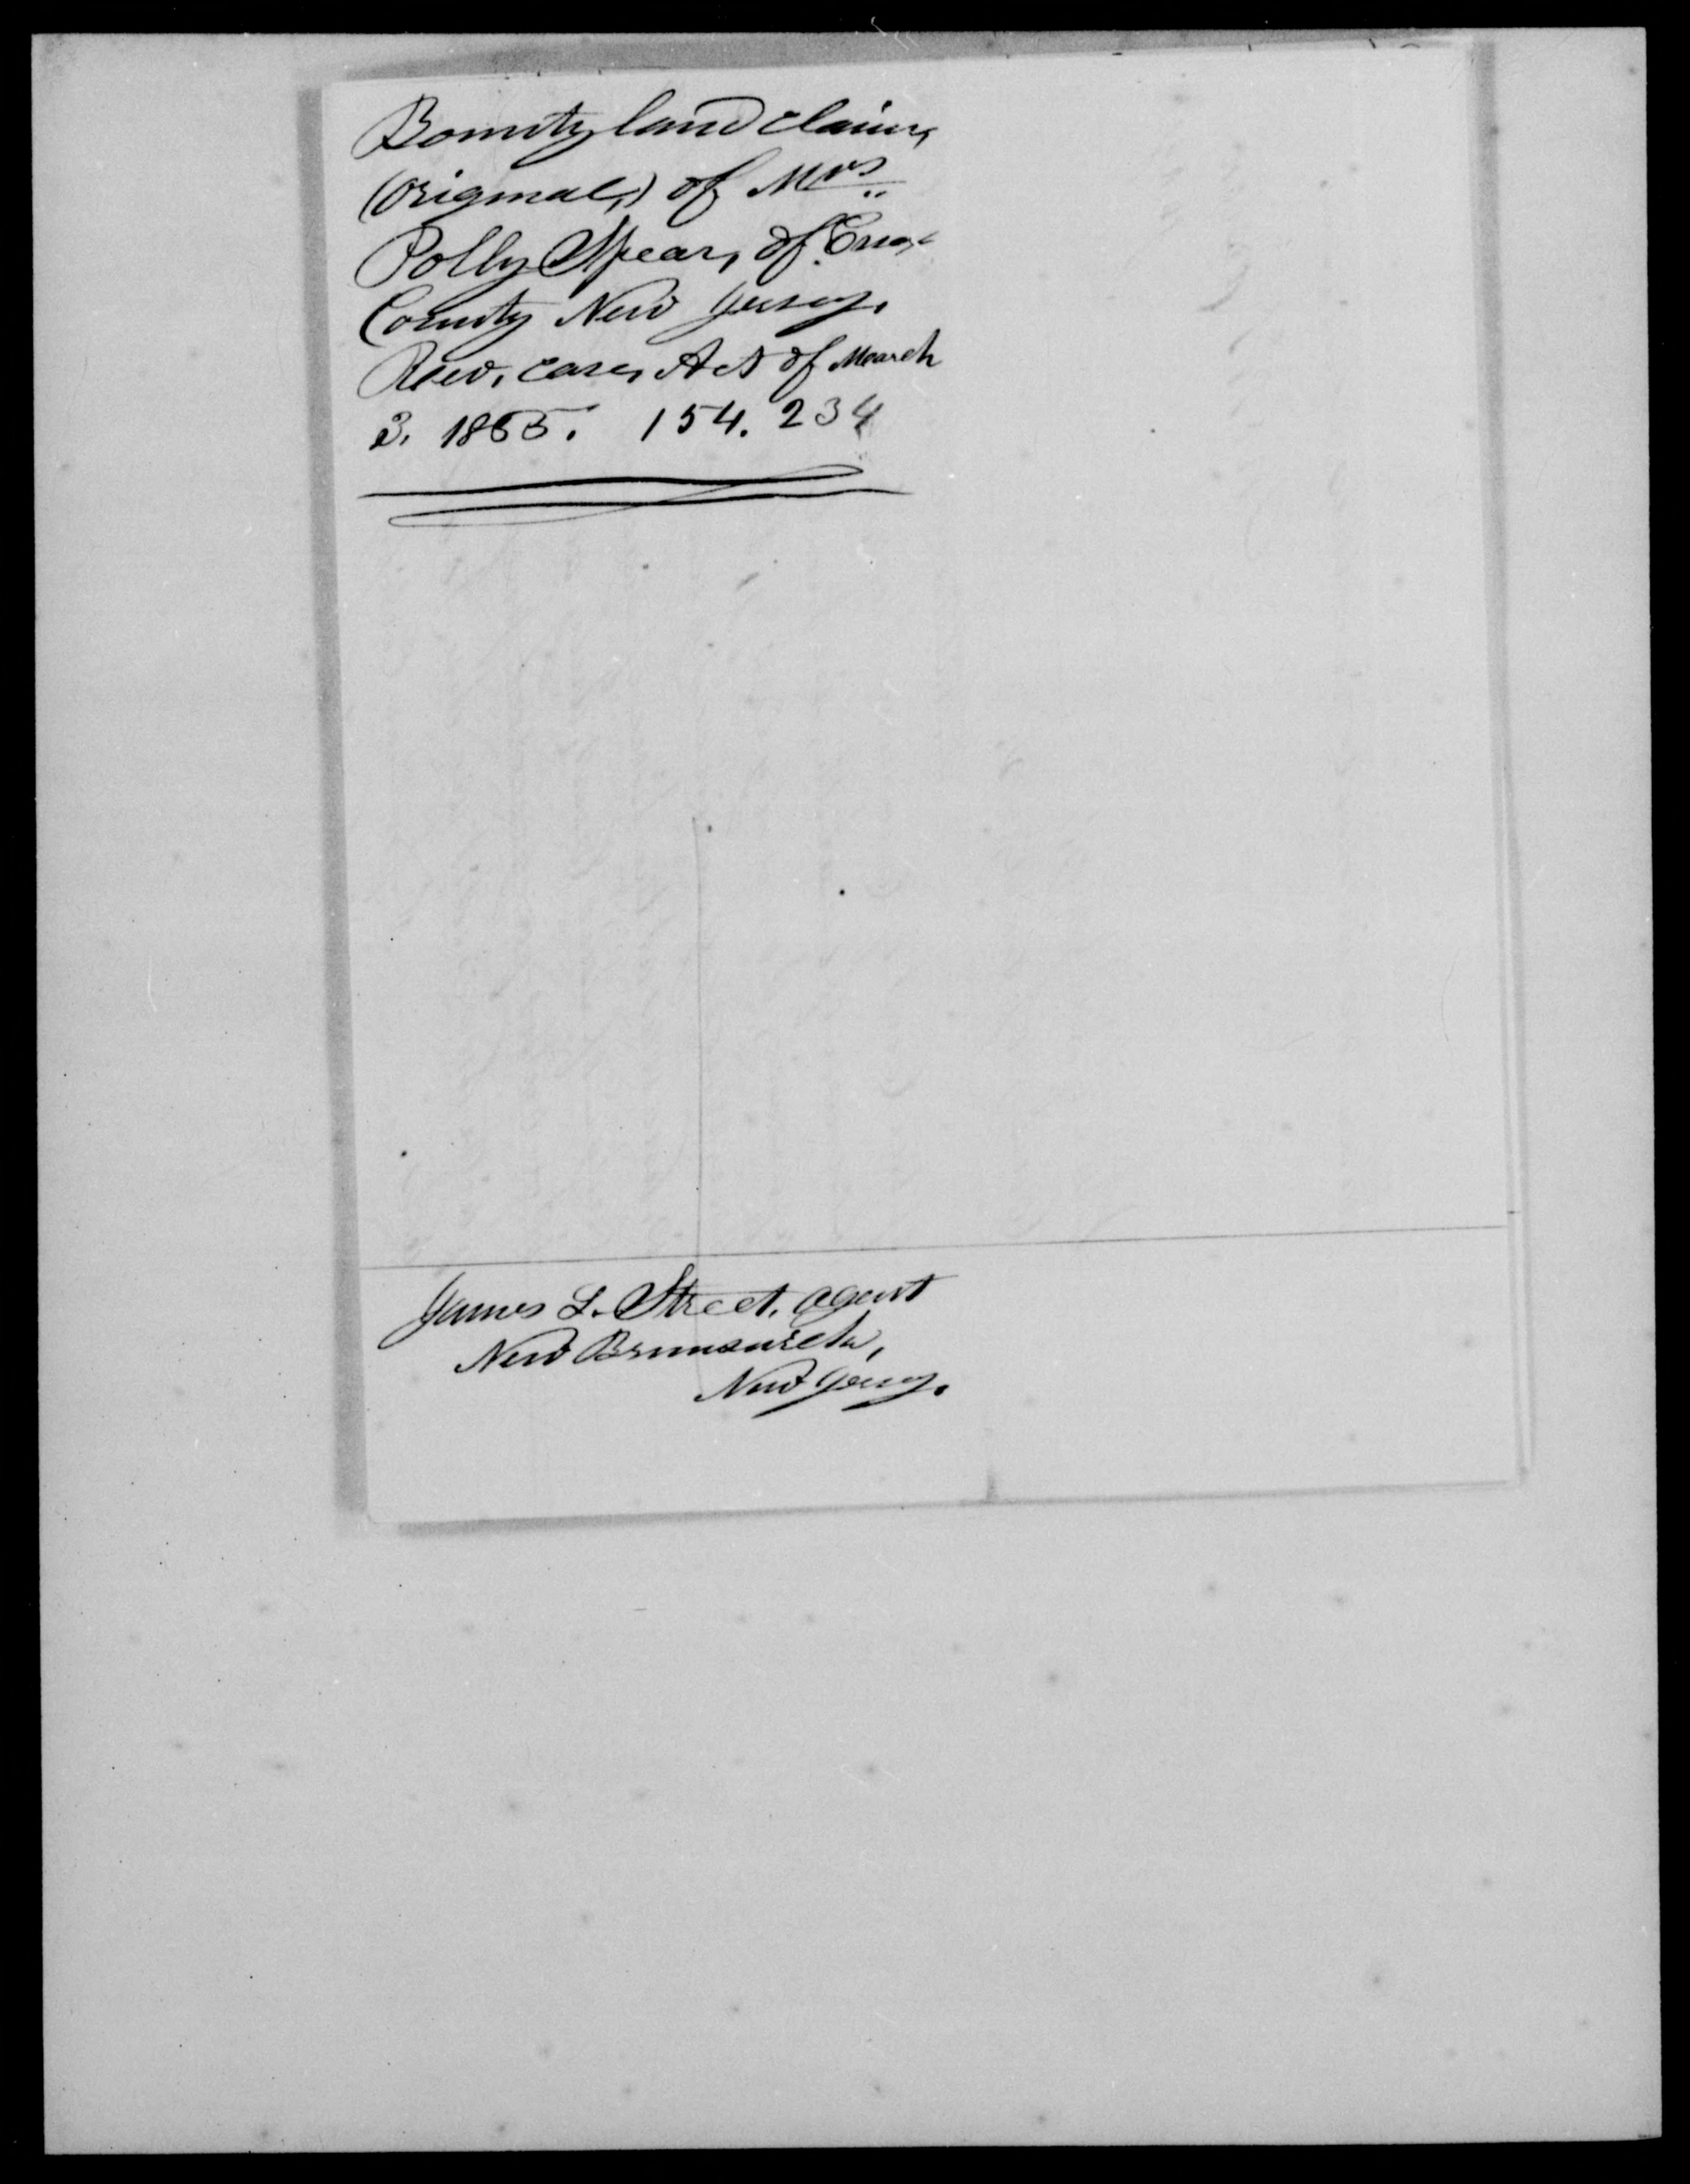Bounty land claim
(Original of Mrs
Polly Spear of Essex
County New Jersey
Rev, cases Act of March
3, 1855, 154.234

James L. Street, Agent
New Brunswick,
New Jersey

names: Polly Spears; James L Street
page: 8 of 65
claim: widow's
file: W. 7197, for Jonathan Spear, Vermont